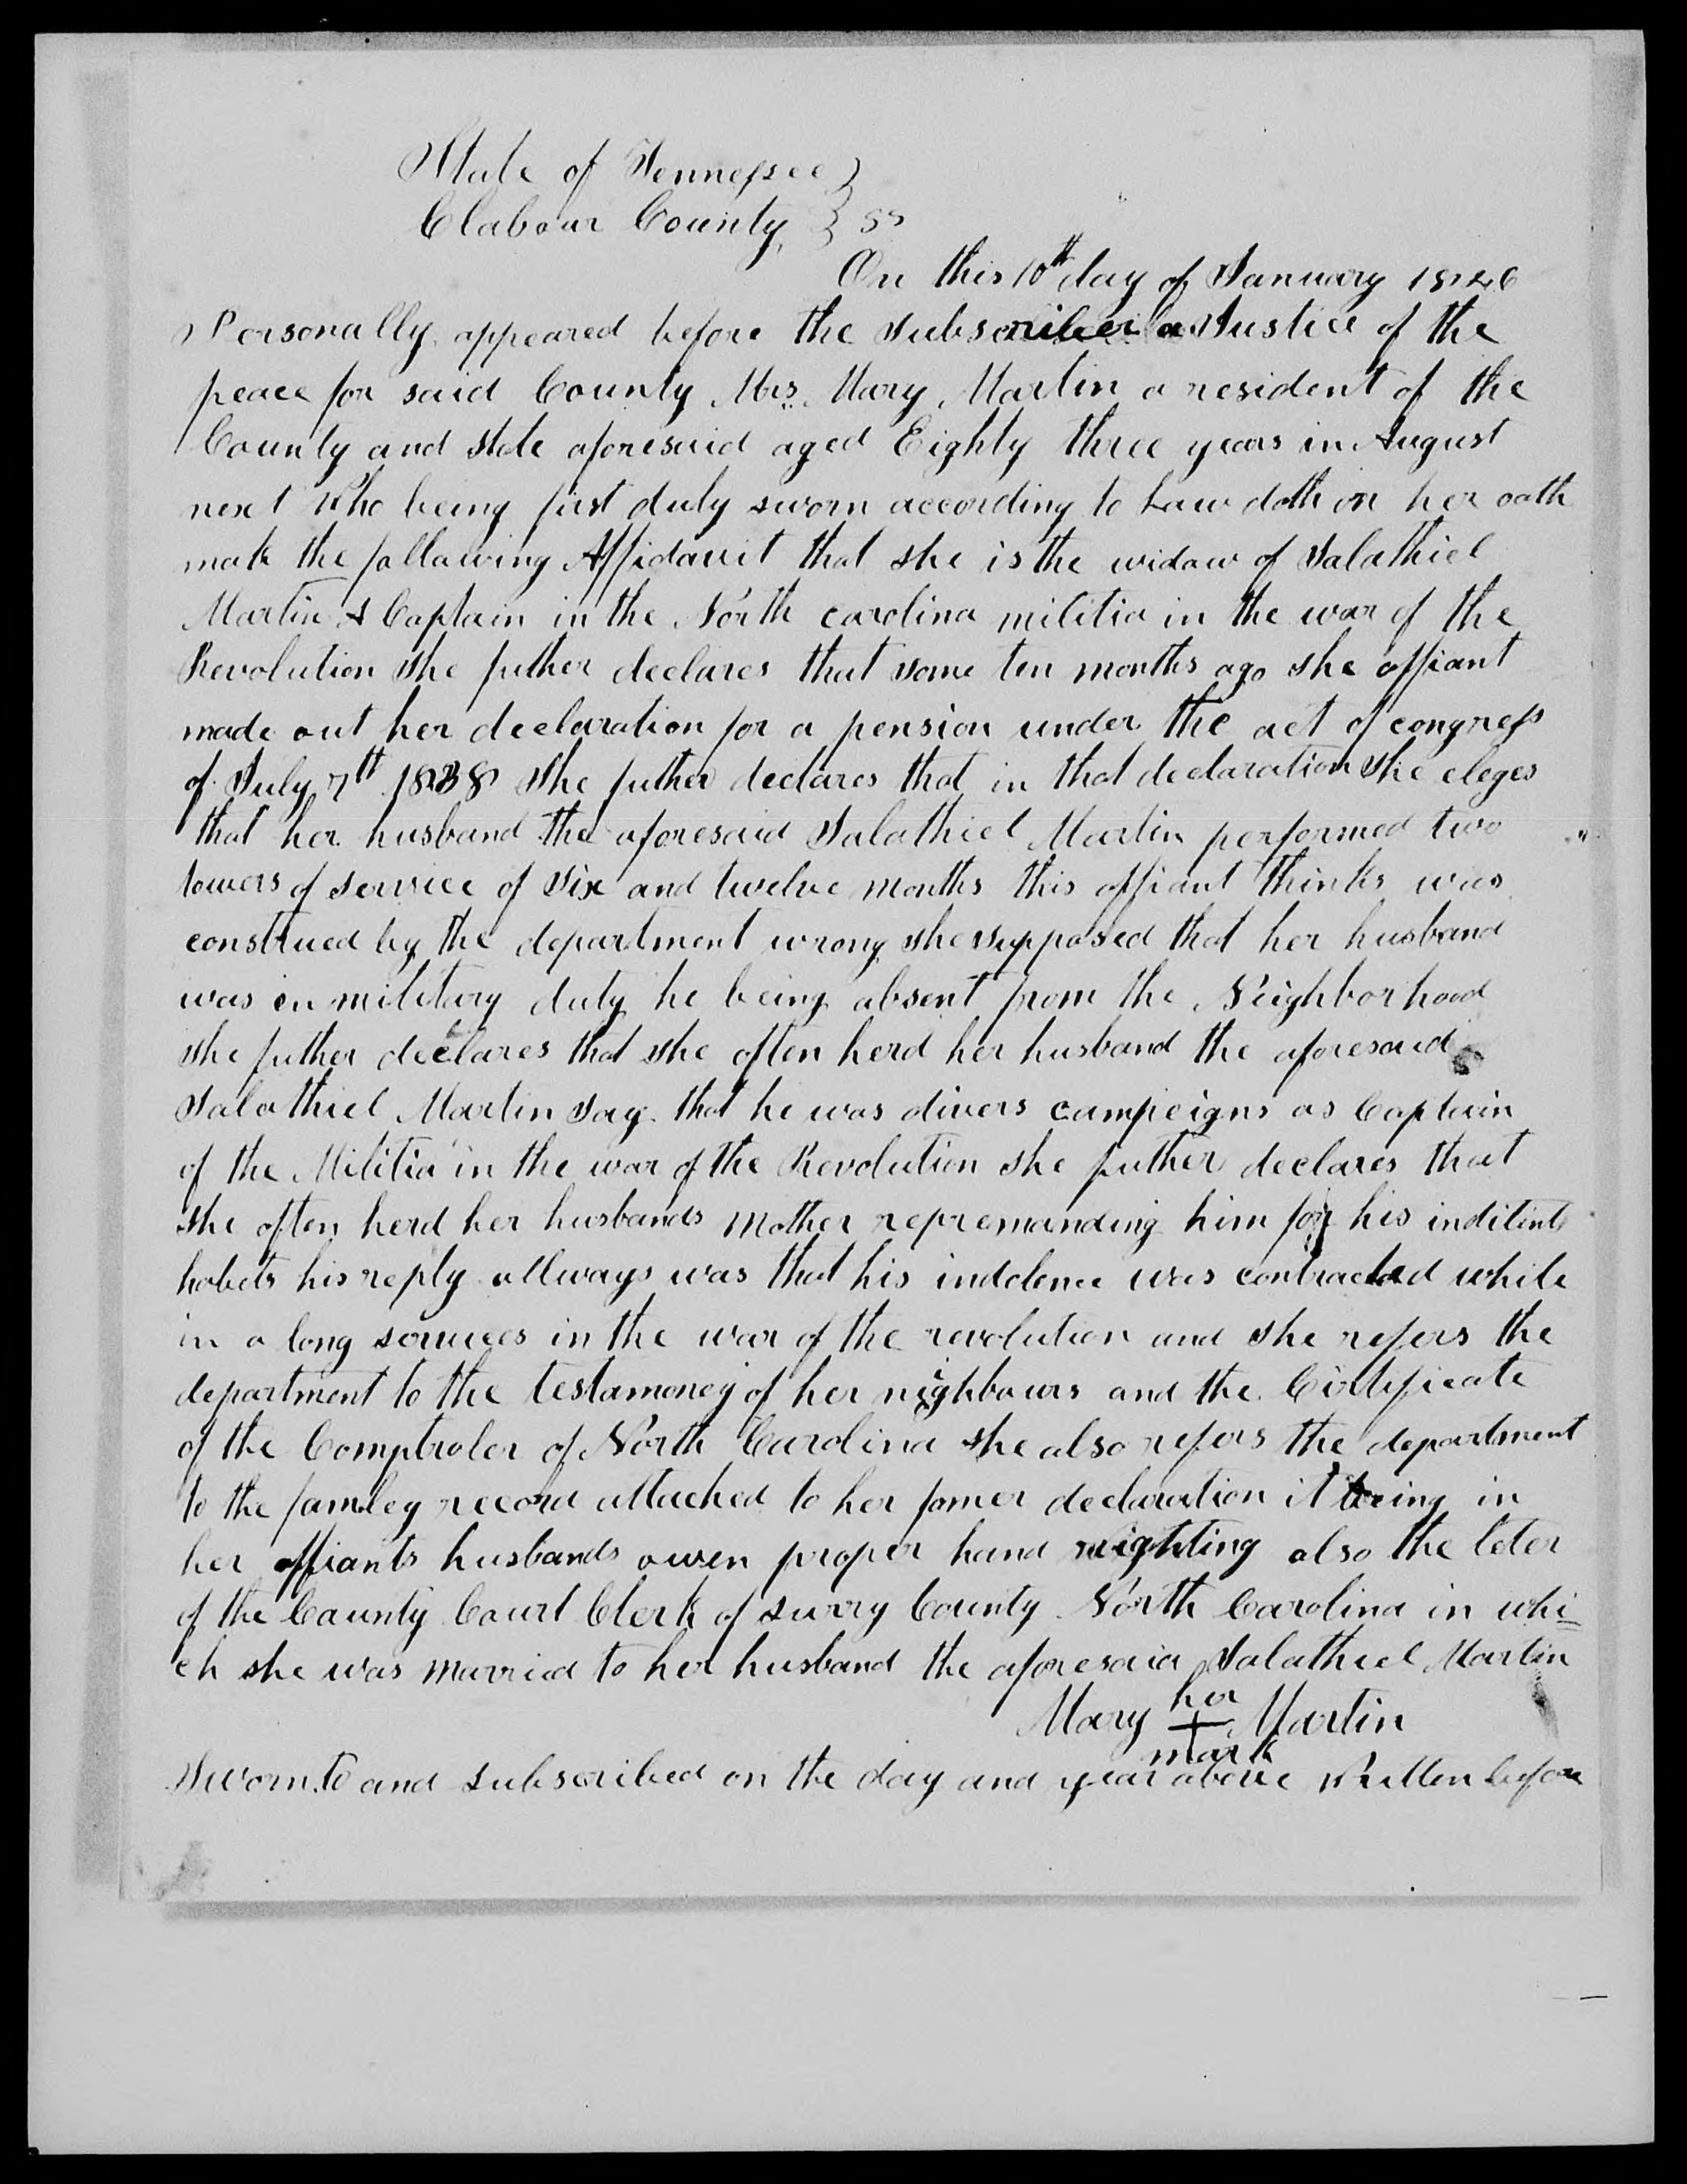State of Tennessee                   )
Claibour [Claiborne] County    )SS
On this 10th day of January 1846
Personally appeared before the Subscriber a Justice of the
peace for said County Mrs. Mary Martin a resident of the
County and State aforesaid aged Eighty three years in August
next who being first duly sworn according to Law doth on her oath
make the following Affidavit that she is the widow of Salathiel
Martin & Captain in the North carolina militia in the war of the
Revolution she futher [further] declares that some ten months ago she affiant
made out her declaration for a pension under the act of congress
of July 7th 1838 she futher [further] declares that in that declaration she elege [alleges]
that her husband the aforesaid Salathiel Martin performed two
towers [tours] of service of six and twelve months this affiant thinks was
construed by the department wrong she supposed that her husband
was in military duty he being absent from the Neighborhood
she futher [further] declares that she often herd [heard] her husband the aforesaid
Salathiel Martin say that he was divers campaigns as Captain
of the Militia in the war of the Revolution she further declares that 
she often heard her husbands mother repremanding [reprimanding] him of his inditint
habits his reply allways [always] was that his indolence was contracted while
in a long services in the war of the revolution and she refers the
department to the testamoney [testimony] of her neighbours [neighbors] and the Certificate
of the Comptroler [comptroller] of North Carolina she also refers the department
to the famley [family] record attached to her former declaration it being in
her affiants husbands own proper hand wrighting [writing] also the leter [letter]
of the County Court Clerk of Surry County North Carolina in whi=
ch she was married to her husband the aforesaid Salathiel Martin
Mary her x mark Martin
Sworn to and subscribed on the day and year above written before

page: 108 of 120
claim: widow's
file: W. 1044, for Salathiel Martin, North Carolina